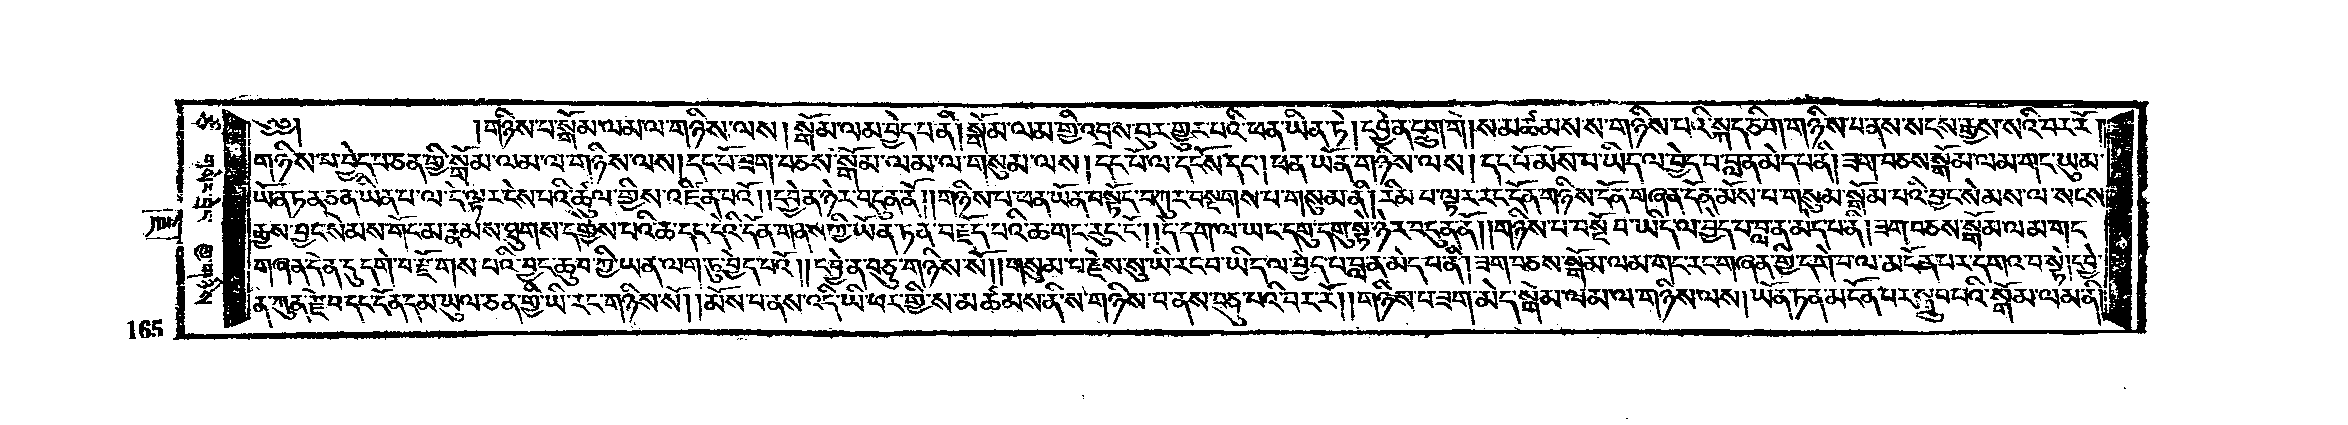༄༅། །གཉིས་པ་སྒོམ་ལམ་ལ་གཉིས་ལས། སྒོམ་ལམ་བྱེད་པ་ནི། སྒོམ་ལམ་གྱི་འབྲས་བུར་གྱུར་པའི་ཕན་ཡོན་ཏེ། དབྱེ་ན་དྲུག་གོ །ས་མཚམས་ས་གཉིས་པའི་སྐད་ཅིག་གཉིས་པ་ནས་སངས་རྒྱས་སའི་བར་རོ།
གཉིས་པ་བྱེད་པ་ཅན་གྱི་སྒོམ་ལམ་ལ་གཉིས་ལས། དང་པོ་ཟག་བཅས་སྒོམ་ལམ་ལ་གསུམ་ལས། དང་པོ་ལ་དངོས་དང་། ཕན་ཡོན་གཉིས་ལས། དང་པོ་མོས་པ་ཡིད་ལ་བྱེད་པ་བླ་ན་མེད་པ་ནི། ཟག་བཅས་སྒོམ་ལམ་གང་ཡུམ་
ཡོན་ཏན་ཅན་ཡིན་པ་ལ་དེ་ལྟར་ངེས་པའི་ཚུལ་གྱིས་འཛིན་པའོ། །དབྱེ་ན་ཉེར་བདུན་ནི། །གཉིས་པ་ཕན་ཡོན་བསྟོད་བཀུར་བསྔགས་པ་གསུམ་ནི། རིམ་པ་ལྟར་རང་དོན་གཉིས་དོན་གཞན་དོན་མོས་པ་གསུམ་སྒོམ་པའི་བྱང་སེམས་ལ་སངས་
རྒྱས་བྱང་སེམས་གོང་མ་རྣམས་ཐུགས་དགྱེས་པའི་ཆ་དང་དེའི་དོན་གནས་ཀྱི་ཡོན་ཏན་བརྗོད་པའི་ཆ་གང་རུང་ངོ། །དེ་དག་ལ་ཡང་དགུ་དགུ་སྟེ་ཉེར་བདུན་ནོ། །གཉིས་པ་བསྔོ་བ་ཡིད་ལ་བྱེད་པ་བླ་ན་མེད་པ་ནི། ཟག་བཅས་སྒོམ་ལམ་གང་
གཞན་དོན་དུ་དགེ་བ་རྫོགས་པའི་བྱང་ཆུབ་ཀྱི་ཡན་ལག་ཏུ་བྱེད་པའོ། །དབྱེ་ན་བཅུ་གཉིས་སོ། །གསུམ་པ་རྗེས་སུ་ཡི་རང་བ་ཡིད་ལ་བྱེད་པ་བླ་ན་མེད་པ་ནི། ཟག་བཅས་སྒོམ་ལམ་གང་རང་གཞན་གྱི་དགེ་བ་ལ་མངོན་པར་དགའ་བ་སྟེ། དབྱེ་
ན་ཀུན་རྫོབ་དང་དོན་དམ་ཡུལ་ཅན་གྱི་ཡི་རང་གཉིས་སོ། །མོས་པ་ནས་འདི་ཡི་བར་གྱི་ས་མཚམས་ནི་ས་གཉིས་པ་ནས་བཅུ་པའི་བར་རོ། །གཉིས་པ་ཟག་མེད་སྒོམ་ལམ་ལ་གཉིས་ལས། ཡོན་ཏན་མངོན་པར་སྒྲུབ་པའི་སྒོམ་ལམ་ནི།